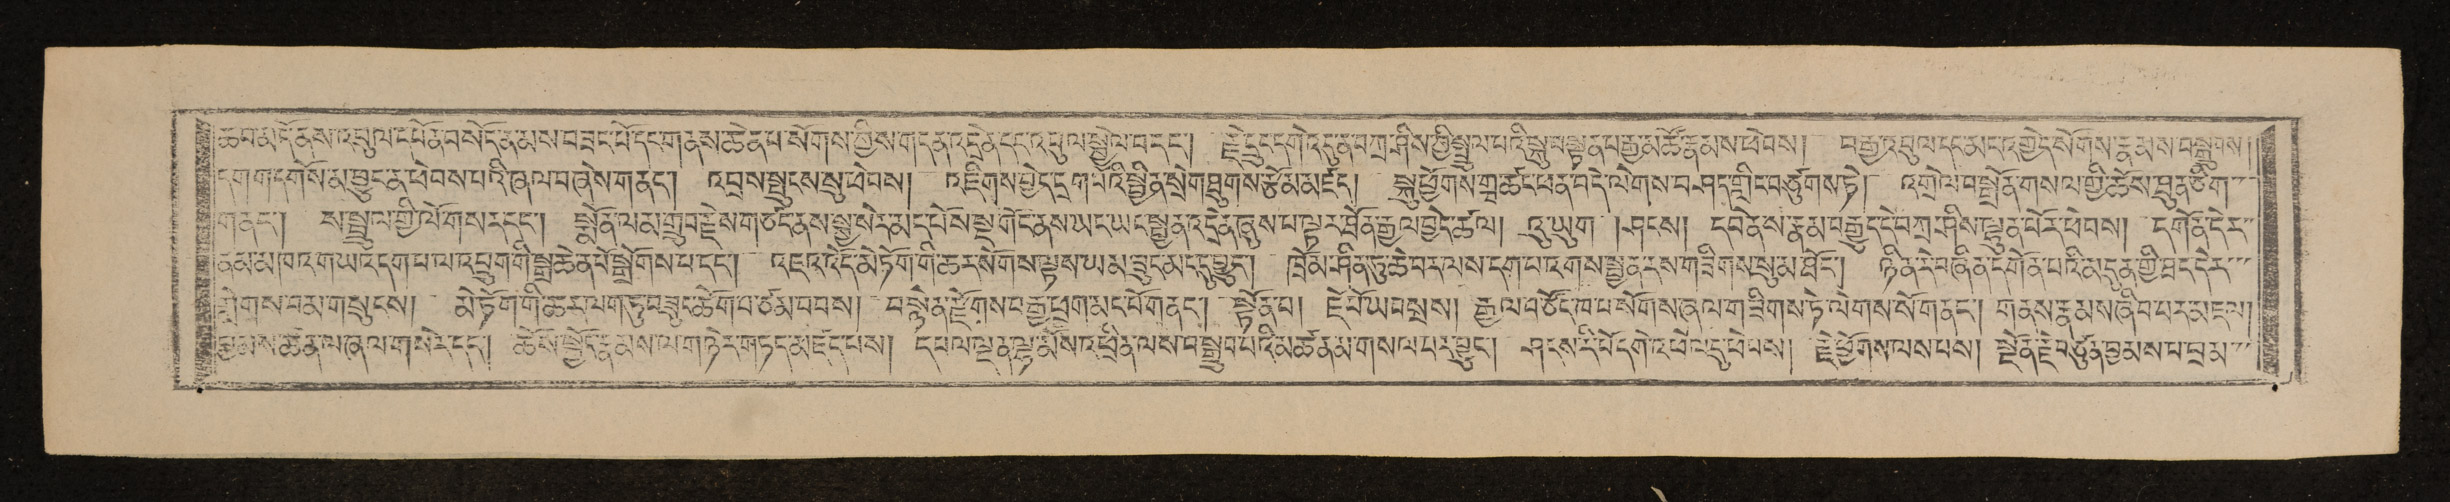ཆབ་མདོ་ནས་འབུལ་དཔོན་བསོད་ནམས་བཟང་པོ་དང་གནས་ཆེན་པ་སོགས་ཀྱིས་གདན་འདྲེན་དང་འབུལ་སྐྱེལ་བ་དང་། རྗེ་དྲུང་དགེ་འདུན་བཀྲ་ཤིས་ཀྱི་སྤྲུལ་པའི་སྐུ་བསྟན་པ་རྒྱ་མཚོ་རྣམས་ཕེབས། བརྒྱ་འབུལ་དང་མང་འགྱེད་སོགས་རྣམས་བསྒྲུབས།
དགག་དགོས་མ་བྱུང་ན་ཕེབས་པའི་ཞལ་བཞེས་གནང་། འབྲས་སྤུངས་སུ་ཕེབས། འཇིགས་བྱེད་དྲག་པོའི་སྦྱིན་སྲེག་ཐུགས་རྩོམ་མཛད། སྐུ་ཕྱོགས་གྲྭ་ཚང་ཕན་བདེ་ལེགས་བཤད་གླིང་བཙུགས་ཏེ། འགྲེལ་བ་སྒྲོན་གསལ་གྱི་ཆོས་ཐུན་ཅིག་
གནང་། ས་སྦྲུལ་གྱི་ལོ་གསར་དང་། སྨོན་ལམ་གྲུབ་རྗེས་གཙང་ནས་སྐྱ་སེར་མང་པོས་སྔ་གོང་ནས་ཡང་ཡང་སྤྱན་འདྲེན་ཞུས་པ་ལྟར་ཐོན་རྒྱལ་བྱེད་ཚལ། འུ་ཡུག །ཤངས། དབེན་ས་རྣམ་བརྒྱུད་དེ་བཀྲ་ཤིས་ལྷུན་པོར་ཕེབས། དགོན་དེར་
ནམ་མཁའ་གཡའ་དག་པ་ལ་འབྲུག་གི་སྒྲ་ཆེན་པོ་སྒྲོགས་པ་དང་། འཇའ་འོད་མེ་ཏོག་གི་ཆར་སོགས་ལྟས་ཡམ་ཟུང་མང་དུ་བྱུང་། ཁྲོམ་ཤིན་ཏུ་ཆེ་བར་ལས་དག་པ་འགས་སྤྱན་རས་གཟིགས་སུ་མཐོང་། ཉིན་རེ་བཞིན་དགོན་པའི་མདུན་གྱི་ཐང་དེར་
གླེགས་བམ་གསུངས། མེ་ཏོག་གི་ཆར་ལག་ཏུ་བཟུང་ཆོག་པ་ཙམ་བབས། བསྙེན་རྫོགས་བརྒྱ་ཕྲག་མང་པོ་གནང་། སྟོན་པ། ཇོ་བོ་ཡབ་སྲས། རྒྱལ་བ་ཙོང་ཁ་བ་སོགས་ཞལ་གཟིགས་ཏེ་ལེགས་སོ་གནང་། གནས་རྣམས་ཞིབ་པར་མཇལ།
བྱམས་ཆེན་ལ་ཞལ་གསེར་དང་། ཆོས་སྐྱོང་རྣམས་ལ་གཉེར་གཏད་མཛད་པས། དཔལ་ལྡན་ལྷ་མོས་འཕྲིན་ལས་བསྒྲུབ་པའི་མཚན་མ་གསལ་བར་བྱུང་། ཤངས་རི་བོ་དགེ་འཕེལ་དུ་ཕེབས། རྗེ་ཕྱོགས་ལས་བས། སྔོན་རྗེ་བཙུན་བྱམས་པ་བྲམ་